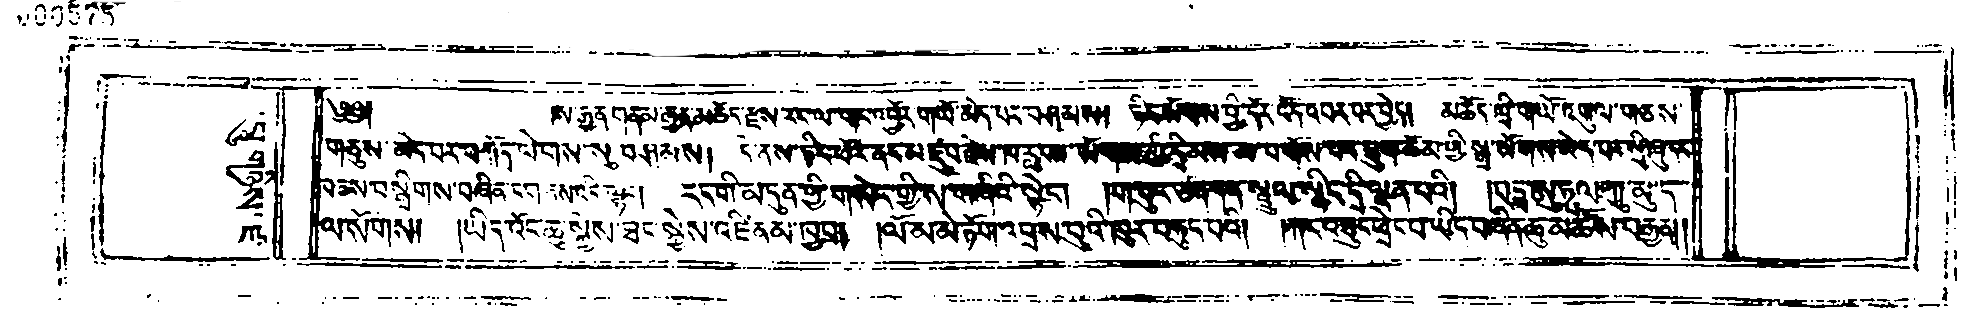༄༅། །ས་རྒྱན་གནམ་རྒྱན་མཆོད་རྫས་རང་ལ་གང་འབྱོར་གཡོ་མེད་པར་བཤམས། ཏིང་སོགས་བྱི་དོར་འོད་འབར་བར་བྱེད། མཆོད་ཁྲི་གཡོ་འགུལ་གཅས་
གཅུས་མེད་པར་བཀོད་ལེགས་སུ་བཤམས། དེ་ནས་ཏིང་ཕོར་ནང་མཛུབ་རྗེས་ཁ་རླངས་སོགས་ཀྱི་དྲི་མས་མ་བགོས་པར་ཐུག་ཆོམ་གྱི་སྒྲ་སོགས་མེད་པར་སྲི་ཞུ་དང་
བཅས་བསྒྲིགས་བཞིན་ངག་ནས་འདི་ལྟར། རང་གི་མདུན་གྱི་གསེར་གྱི་ས་གཞིའི་སྟེང་། །ག་བུར་ཙན་དན་སྤྲུལ་སྙིང་དྲི་ལྡན་པའི། །པདམ་ཨུཏྤལ་ཀུ་མུ་ད་
ལ་སོགས། །ཡིད་འོང་ཆུ་སྐྱེས་ཐང་སྐྱེས་འཛིན་མ་ཁྱབ། །ལོ་མ་མེ་ཏོག་འབྲས་བུའི་ཁུར་བཏུད་པའི། །རྐང་འཐུང་ཕྲེང་བ་ཡིད་བཞིན་ཆུ་མཚོས་བརྒྱན། །